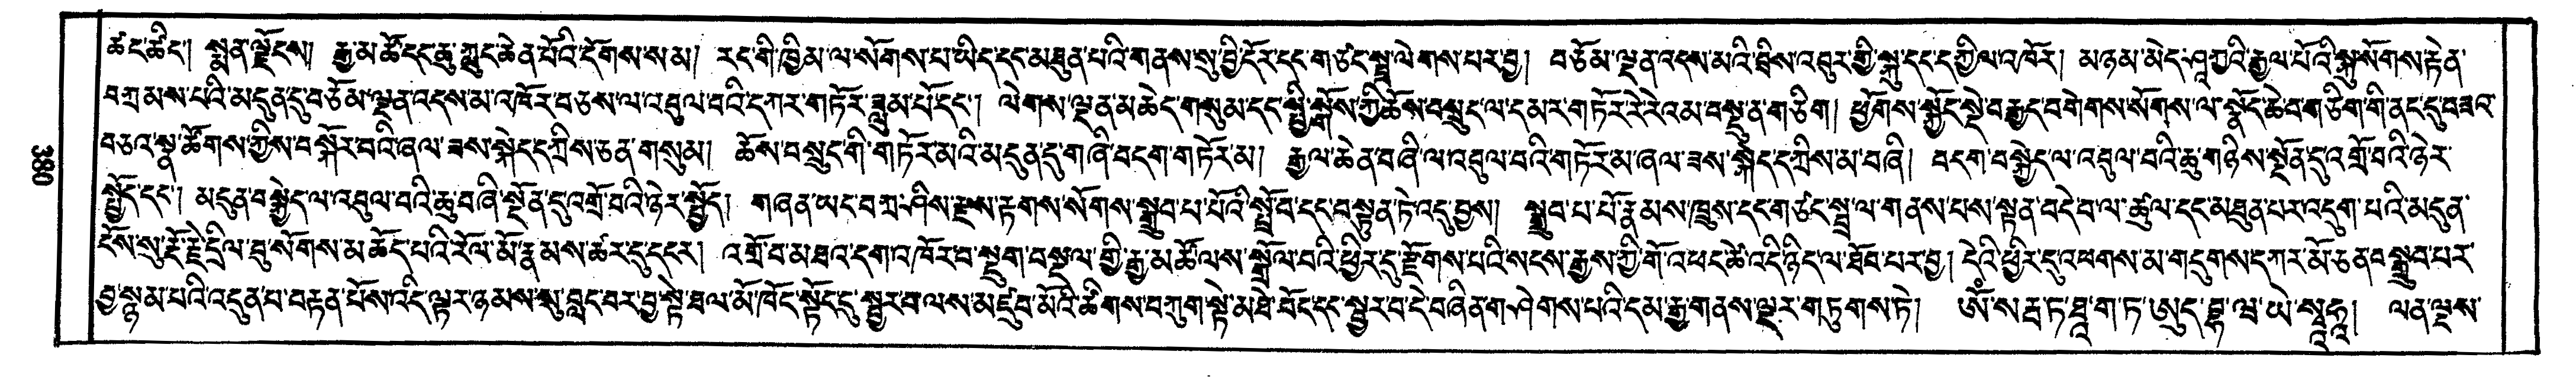ཚང་ཚིང་། སྨན་ལྗོངས། རྒྱ་མཚོ་དང་ཆུ་བླུང་ཆེན་བོའི་དོགས་སམ། རང་གི་ཁྱིམ་ལ་སོགས་པ་ཡིད་དང་མཐུན་པའི་གནས་སུ་བྱི་དོར་དང་གཙང་སྦྲ་ལེགས་པར་བྱ། བཅོམ་ལྡན་འདས་མའི་དྲིས་འབུར་གྱི་སྐུ་དང་དཀྱིལ་འཁོར། མཉམ་མེད་ཤཱཀྱའི་རྒྱལ་པོའི་སྐུ་སོགས་རྟེན་
བཀྲམས་པའི་མདུན་དུ་བཅོམ་ལྡན་འདས་མ་འཁོར་བཅས་ལ་འབུལ་བའི་དཀར་གཏོར་ཟླུམ་བོ་དང་། ལེགས་ལྡན་མཆེད་གསུམ་དང་སྦྱི་སྒོས་ཀྱི་ཆོས་བསྲུང་ལ་དམར་གཏོར་རེ་རེའམ་བསྡུན་གཅིག། ཕྱོགས་སྐྱོང་སྡེ་བརྒྱད་བགེགས་སོགས་ལ་སྣོད་ཆེ་བ་གཅིག་གི་ནང་དུ་བཟའ་
བཅའ་སྣ་ཚོགས་ཀྱིས་བསྐོར་བའི་ཞལ་ཟས་སྐེད་དཀྲིས་ཅན་གསུམ། ཆོས་བསྲུང་གི་གཏོར་མའི་མདུན་དུ་གཞི་བདག་གཏོར་མ། རྒྱལ་ཆེན་བཞི་ལ་འབུལ་བའི་གཏོར་མ་ཞལ་ཟས་སྐད་དཀྲིས་མ་བཞི། བདག་བསྐྱེད་ལ་འབུལ་བའི་ཆུ་གཉིས་སྔོན་དུ་འགྲོ་བའི་ཉེར་
སྤྱོད་དང་། མདུན་བསྐྱེད་ལ་འབུལ་བའི་ཆུ་བཞི་སྔོན་དུ་འགྲོ་བའི་ཉེར་སྤྱོད། གཞན་ཡང་བཀྲ་ཤིས་རྫས་རྟགས་སོགས་སྒྲུབ་པ་པོའི་སྤྲོ་བ་དང་བསྟུན་ཏེ་འདུ་བྱས། སྒྲུབ་པ་པོ་རྣམས་ཁྲུས་དང་གཙང་སྦྲལ་གནས་པས་སྟན་བདེ་བ་ལ་ཚུལ་དང་མཐུན་པར་འདུག་པའི་མདུན་
ངོས་སུ་རྡོ་རྗེ་དྲིལ་བུ་སོགས་མཆོད་པའི་རོལ་མོ་རྣམས་ཚར་དུ་དངར། འགྲོ་བ་མཐའ་དག་འཁོར་བ་སྡུག་བསྔལ་གྱི་རྒྱ་མཚོ་ལས་སྒྲོལ་བའི་ཕྱིར་དུ་རྫོགས་པའི་སངས་རྒྱས་ཀྱི་གོ་འཕང་ཚེ་འདི་ཉིད་ལ་ཐོབ་པར་བྱ། དེའི་ཕྱིར་དུ་འཕགས་མ་གདུགས་དཀར་མོ་ཅན་བསྒྲུབ་པར་
བྱ་སྙམ་པའི་འདུན་པ་བརྟན་པོས་འདི་ལྟར་ཉམས་སུ་བླང་བར་བྱ་སྟེ་ཐལ་མོ་ཁོང་སྟོང་དུ་སྦྱར་བ་ལས་མཛུབ་མོའི་ཚིགས་བཀུག་སྟེ་མཐེ་བོང་དང་སྦྱར་བ་དེ་བཞིན་གཤེགས་པའི་དམ་རྒྱ་གནས་ལྔར་གཏུགས་ཏེ། ཨོཾ་སརྦ་ཏ་ཐཱ་ག་ཏ་ཨུད་བྷ་ཝ་ཡེ་སྭཱཧཱ། ལན་ལྔས་